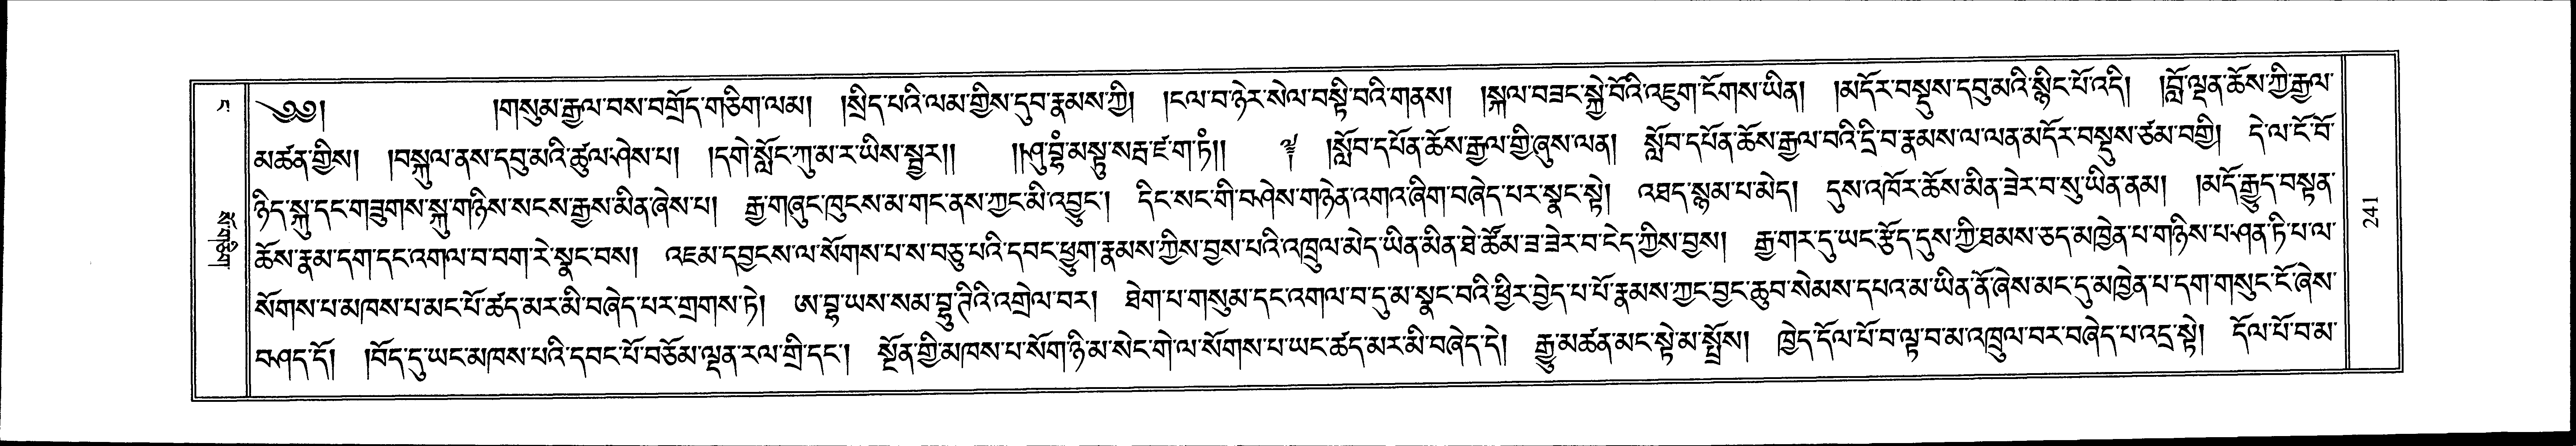༄༅། །གསུམ་རྒྱལ་བས་བགྲོད་གཅིག་ལམ། །སྲིད་པའི་ལམ་གྱིས་དུབ་རྣམས་ཀྱི། །ངལ་བ་ཉེར་སེལ་བསྟི་བའི་གནས། །སྐལ་བཟང་སྐྱེ་བོའི་འཇུག་ངོགས་ཡིན། །མདོར་བསྡུས་དབུ་མའི་སྙིང་པོ་འདི། །བློ་ལྡན་ཆོས་ཀྱི་རྒྱལ་
མཚན་གྱིས། །བསྐུལ་ནས་དབུ་མའི་ཚུལ་ཤེས་པ། །དགེ་སློང་ཀུ་མ་ར་ཡིས་སྦྱར།། །།ཤུ་བྷཾ་མསྟུ་སརྦ་ཛ་ག་ཏཾ།། ༈ །སློབ་དཔོན་ཆོས་རྒྱལ་གྱི་ཞུས་ལན། སློབ་དཔོན་ཆོས་རྒྱལ་བའི་དྲི་བ་རྣམས་ལ་ལན་མདོར་བསྡུས་ཙམ་བགྱི། དེ་ལ་ངོ་བོ་
ཉིད་སྐུ་དང་གཟུགས་སྐུ་གཉིས་སངས་རྒྱས་མིན་ཞེས་པ། རྒྱ་གཞུང་ཁུངས་མ་གང་ནས་ཀྱང་མི་འབྱུང་། དིང་སང་གི་བཤེས་གཉེན་འགའ་ཞིག་བཞེད་པར་སྣང་སྟེ། །འཐད་སྙམ་པ་མེད། །དུས་འཁོར་ཆོས་མིན་ཟེར་བ་སུ་ཡིན་ནམ། །མདོ་རྒྱུད་བསྟན་
ཆོས་རྣམ་དག་དང་འགལ་བ་བག་རེ་སྣང་བས། །འཇམ་དབྱངས་ལ་སོགས་པ་ས་བཅུ་པའི་དབང་ཕྱུག་རྣམས་ཀྱིས་བྱས་པའི་འཁྲུལ་མེད་ཡིན་མིན་ཐེ་ཚོམ་ཟ་ཟེར་བ་ངེད་ཀྱིས་བྱས། རྒྱ་གར་དུ་ཡང་རྩོད་དུས་ཀྱི་ཐམས་ཅད་མཁྱེན་པ་གཉིས་པ་ཤན་ཏི་པ་ལ་
སོགས་པ་མཁས་པ་མང་པོ་ཚད་མར་མི་བཞེད་པར་གྲགས་ཏེ། ཨ་བྷ་ཡས་སམ་བྷུ་ཊིའི་འགྲེལ་བར། ཐེག་པ་གསུམ་དང་འགལ་བ་དུ་མ་སྣང་བའི་ཕྱིར་བྱེད་པ་པོ་རྣམས་ཀྱང་བྱང་ཆུབ་སེམས་དཔའ་མ་ཡིན་ནོ་ཞེས་མང་དུ་མཁྱེན་པ་དག་གསུང་ངོ་ཞེས་
བཤད་དོ། །བོད་དུ་ཡང་མཁས་པའི་དབང་པོ་བཅོམ་ལྡན་རལ་གྲི་དང་། སྔོན་གྱི་མཁས་པ་སོག་ཉི་མ་སེང་གེ་ལ་སོགས་པ་ཡང་ཚད་མར་མི་བཞེད་དེ། རྒྱུ་མཚན་མང་སྟེ་མ་སྤྲོས། ཁྱེད་དོལ་པོ་བ་ལྟ་བ་མ་འཁྲུལ་བར་བཞེད་པ་འདྲ་སྟེ། དོལ་པོ་བ་མ་